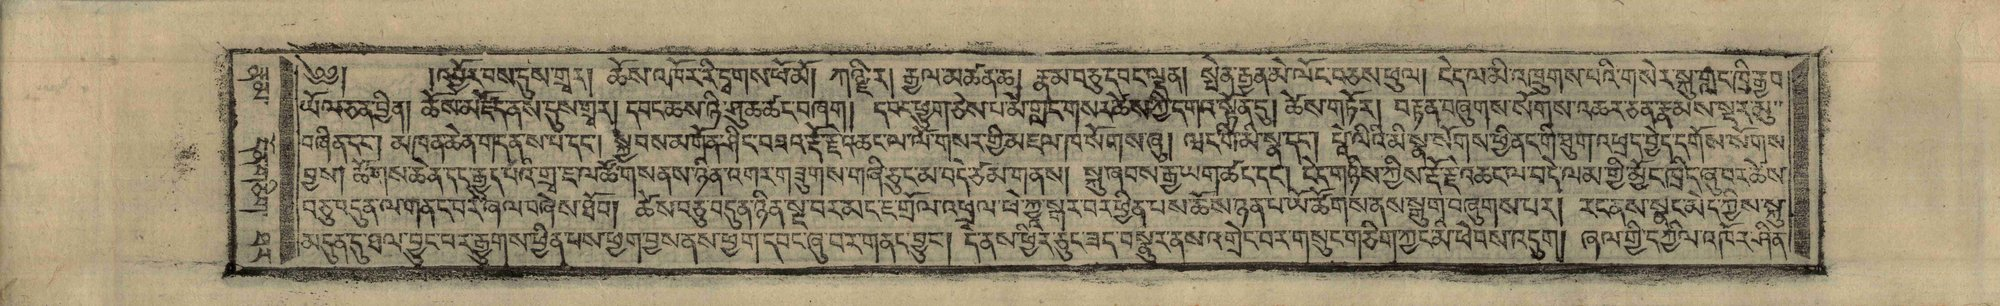༄༅། །འབྱོར་བས་དུས་གྲྭར། ཆོས་འཁོར་རི་དྭགས་ཕོ་མོ། ཀཉྫི་ར། རྒྱལ་མཚན་ཆ། རྣམ་བཅུ་དབང་ལྡན། སྤེན་རྒྱན་མེ་ལོང་བཅས་ཕུལ། ངེད་ལ་མི་འཁྲུགས་པའི་གསེར་སྐུ་གླང་ཁྲི་རྒྱབ་
ཡོལ་ཅན་བྱིན། ཆོས་མཛོད་ནས་དུས་གྲྭར། དབང་ཆས་ཉི་ཤུ་ཆ་ཚང་བཞག །དབང་ཕྱུག་ཅེས་པ་མེ་གླང་གསར་ཚེས་ཀྱི་དགའ་སྟོན་དུ། ཚེས་གཏོར། བརྟན་བཞུགས་སོགས་འཆར་ཅན་རྣམས་སྔར་མུ་
བཞིན་དང་། མཁན་ཆེན་གདན་ས་པ་དང་། སྐྱབས་མགོན་ཤིང་བཟའ་རྡོ་རྗེ་འཆང་ལ་ལོ་གསར་གྱི་མཇལ་ཁ་སོགས་ཞུ། ཝང་གི་མི་སྣ་དང་། པE་ལིའི་མི་སྣ་སོགས་ཕྱི་ནང་གི་ཐུག་འཕྲད་བྱེད་དགོས་སོགས་
བྱས། ཚོགས་ཆེན་དང་རྒྱུད་པའི་གྲྭ་ཇ་ལ་ཚོགས་ནས་ཉིན་འགར་གཟུགས་གཞི་ཅུང་མ་བདེ་ཙམ་གནས། སྐུ་ཞབས་རྒྱ་ཡག་ཚང་དང་། ངེད་གཉིས་ཀྱིས་རྡོ་རྗེ་འཆང་ལ་བདེ་ལམ་གྱི་མྱོང་ཁྲིད་ཞུ་བར་ཚེས་
བཅུ་བདུན་ལ་གནང་བར་ཞལ་བཞེས་ཐོབ། ཚེས་བཅུ་བདུན་ཉིན་སྔ་བར་མང་ཇ་གྲོལ་འཕྲལ་ཕེ་ཀྱཱ་སྒར་བར་ཕྱིན་པས་ཆོས་ཉན་པ་ཡོ་ཚོགས་ནས་སྒུག་བཞུགས་པར། རང་ནས་སྣང་མེད་ཀྱིས་སྐུ་
མདུན་དུ་ཐལ་བྱུང་བར་རྒྱུགས་ཕྱིན་པས་ཕྱག་བྱས་ནས་ཕྱག་དབང་ཞུ་བར་གནང་བྱུང་། དེ་ནས་ཕྱིར་ཅུང་ཟད་བསྣུར་ནས་འགྲེང་བར་གསུང་གཅིག་ཀྱང་མི་ཕེབས་འདུག །ཞལ་གྱི་དཀྱིལ་འཁོར་ཤིན་